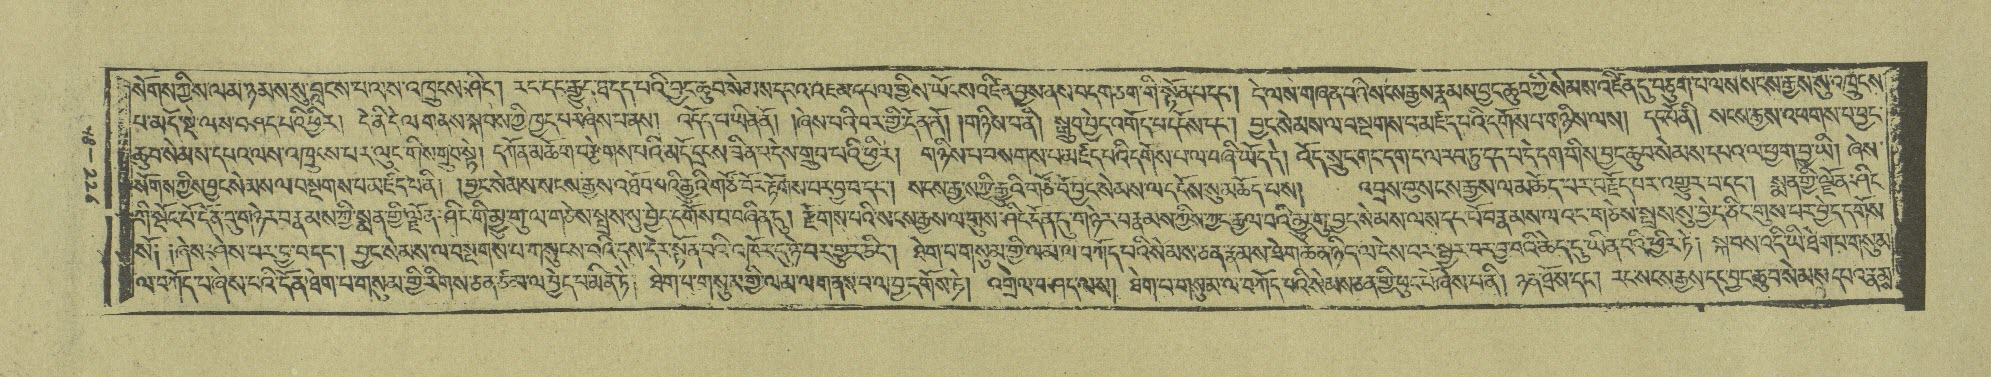སོགས་ཀྱིས་ལམ་ཉམས་སུ་བླངས་པ་ལས་འཁྲུངས་ཤིང་། རང་དང་རྒྱུད་ཐ་དད་པའི་བྱང་ཆུབ་སེམས་དཔའ་འཇམ་དཔལ་གྱིས་ཡོངས་འཛིན་བྱས་ནས་བདག་ཅག་གི་སྟོན་པ་དང་། དེ་ལས་གཞན་པའི་སངས་རྒྱས་རྣམས་བྱང་ཆུབ་ཀྱི་སེམས་འཛིན་དུ་བཅུག་པ་ལས་སངས་རྒྱས་སུ་འཁྲུངས་
པ་མདོ་སྡེ་ལས་བཤད་པའི་ཕྱིར། དེ་ནི་དེ་ལ་གནས་སྐབས་ཀྱི་ཁྱད་པར་ཞེས་པ་ནས། འདོད་པ་ཡིན་ནོ། །ཞེས་པའི་བར་གྱི་དོན་ནོ། །གཉིས་པ་ནི། སྒྲུབ་བྱེད་འགོད་པ་དངོས་དང་། བྱང་སེམས་ལ་བསྔགས་པ་མཛད་པའི་དགོས་པ་གཉིས་ལས། དང་པོ་ནི། སངས་རྒྱས་འཕགས་པ་བྱང་
ཆུབ་སེམས་དཔའ་ལས་འཁྲུངས་པར་ལུང་གིས་གྲུབ་སྟེ། དཀོན་མཆོག་བརྩེགས་པའི་མདོ་དྲངས་ཟིན་པ་དེས་གྲུབ་པའི་ཕྱིར། གཉིས་པ་བསྔགས་པ་མཛད་པའི་དགོས་པ་ལ་བཞི་ཡོད་དེ། འོད་སྲུང་གང་དག་ང་ལ་རབ་ཏུ་དད་པ་དེ་དག་གིས་བྱང་ཆུབ་སེམས་དཔའ་ལ་ཕྱག་བྱ་ཡི། ཞེས་
སོགས་ཀྱིས་བྱང་སེམས་ལ་བསྔགས་པ་མཛད་པ་ནི། །བྱང་སེམས་སངས་རྒྱས་འཐོབ་པའི་རྒྱུའི་གཙོ་བོར་རྟོགས་པར་བྱ་བ་དང་། སངས་རྒྱས་ཀྱི་རྒྱུའི་གཙོ་བོ་བྱང་སེམས་ལ་དངོས་སུ་མཆོད་པས། འབྲས་བུ་སངས་རྒྱས་ལ་མཆོད་པར་བརྗོད་པར་འགྱུར་བ་དང་། སྨན་གྱི་ལྗོན་ཤིང་
གི་སྡོང་པོ་དོན་དུ་གཉེར་བ་རྣམས་ཀྱི་སྨན་གྱི་ལྗོན་ཤིང་གི་མྱུ་གུ་ལ་གཅེས་སྦྲས་སུ་བྱེད་དགོས་པ་བཞིན་དུ། རྫོགས་པའི་སངས་རྒྱས་ལ་གུས་ཤིང་དོན་དུ་གཉེར་བ་རྣམས་ཀྱིས་ཀྱང་རྒྱལ་བའི་མྱུ་གུ་བྱང་སེམས་ལས་དང་པོ་བ་རྣམས་ལའང་གཅེས་སྤྲས་སུ་བྱེད་ཅིང་གུས་པར་བྱེད་དགོས་
སོ། །ཞེས་ཤེས་པར་བྱ་བ་དང་། བྱང་སེམས་ལ་བསྔགས་པ་གསུངས་པའི་དུས་དེར་སྟོན་པའི་འཁོར་དུ་ཉེ་བར་གྱུར་ཅིང་། ཐེག་པ་གསུམ་གྱི་ལམ་ལ་བཀོད་པའི་སེམས་ཅན་རྣམས་ཐེག་ཆེན་ཉིད་ལ་ངེས་པར་སྦྱར་བར་བྱ་བའི་ཆེད་དུ་ཡིན་པའི་ཕྱིར་ཏེ། སྐབས་འདི་ཡི་ཐེག་པ་གསུམ་
ལ་བཀོད་པ་ཞེས་པའི་དོན་ཐེག་པ་གསུམ་གྱི་རིགས་ཅན་ཙམ་ལ་བྱེད་པ་མིན་ཏེ། ཐེག་པ་གསུམ་གྱི་ལམ་ལ་གནས་པ་ལ་བྱ་དགོས་ཏེ། འགྲེལ་བཤད་ལས། ཐེག་པ་གསུམ་ལ་བཀོད་པའི་སེམས་ཅན་གྱི་ཕུང་པོ་ཞེས་པ་ནི། ཉན་ཐོས་དང་། རང་སངས་རྒྱས་དང་བྱང་ཆུབ་སེམས་དཔའ་རྣམས་